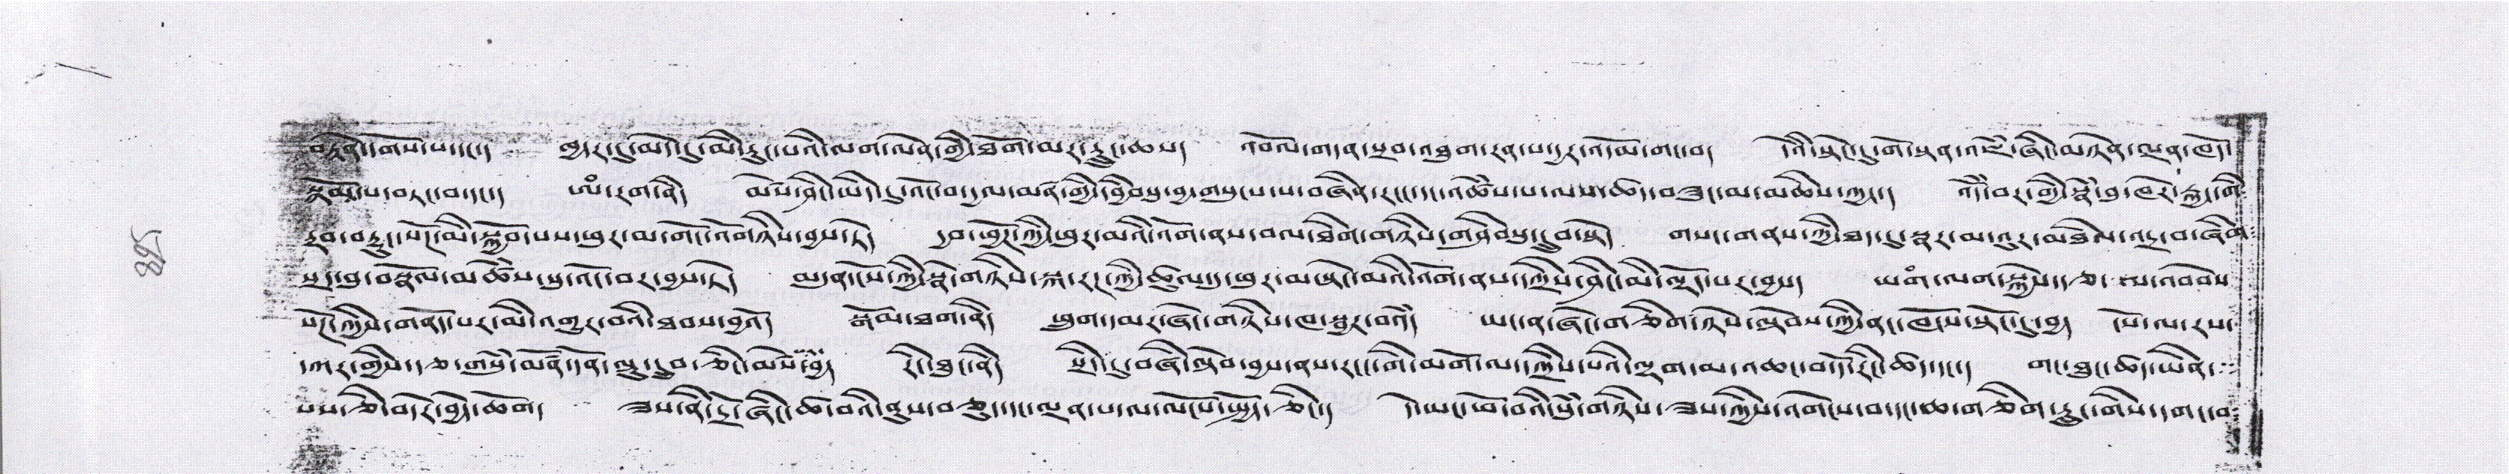བརྟེན་དགོས་པ་དང་། ཁྱད་པར་དུ་མེད་དུ་མི་རུང་བའི་ལག་ལེན་གྱི་ཐོག་མར་རླུང་ཆས། འབོལ་གདན་སྲབ་མཐུག་རན་པ་རྒྱར་འདོམ་གང་བ། དེའི་སྟེང་དུ་གོ་སྟན་འཇམ་ཞིང་མཉེན་ལྡན་ཁོད་
སྙོམ་པ་བཏང་བ་དང་། ཨཾ་རག་ནི། མཛེས་ཤིང་ཡིད་དུ་འོང་བ་རྒྱལ་མཚན་གྱི་དབྱིབས་སུ་བྱ་གསུངས་པ་བཞིན་རང་རང་དང་འཚམས་པ་ལས་ཚད་བཟུང་མ་མཆིས་ཀྱང་འདོམ་བར་གྱི་སྣམ་བུ་ཁེར་རྐྱང་གི་
རྡབ་བརྡུད་སོགས་མི་སྐྱོབས་པས་ཕུར་མ་གོང་འོག་གཉིས་བྱས་ཏེ། རྒྱབ་ཕྱོགས་ཀྱི་ཕུར་མའི་འོག་ནས་བལ་ཐིག་གཉིས་གཤིབས་སུ་དྲུབ་སྟེ། གསང་གནས་ཀྱི་ཐད་དུ་སྣར་མ་འུར་མཐིལ་འདྲ་བ་ཞིག་
སྲད་བུ་བསྣོལ་མཚམས་སུ་འོང་བར་བྱས་ཏེ། མདུན་ངོས་ཀྱི་སྣེ་གཉིས་སྐ་རགས་ཀྱི་ཚུལ་དུ་ཕུར་མ་སྟེང་མའི་འོག་ནས་དཀྲིས་ཤིང་མི་ལྷོད་པར་བྱས། ཡན་ལག་སྐྱེས་རྩ་ལ་འབེབས་
སོགས་ཀྱི་གནོད་པར་མི་འགྱུར་བའི་ཐབས་བྱའོ། །སྒོམ་ཐག་ནི། ཕྲུག་དམར་ཞེང་གཉིས་ཁ་སྦྱར་བའམ། ཡང་ན་ཞེང་གཅིག་ཉིས་ལྟེབས་ཀྱིས་ནང་ཁོངས་སྟོང་དུ་བྱ། ངོས་ལ་རས་
དཀར་གྱིས་རྩ་གསུམ་མཚོན་དོན་ལྷུ་དྲུབ་ཅིང་མཛེས་པར་བྱ། རིང་ཐུང་ནི། སྲིད་དུ་བཞི་ལྟེབ་བྱས་ནས་རང་རང་གི་མགོ་ལ་དཀྲིས་པའི་ལྷག་མ་འཆང་བ་དོ་རིང་ཚད་དང་། གང་ཐུང་ཚད་ཡིན་
པས་ཅི་བདེར་བྱེད་ཆོག ཟས་ནི་དྲོ་ཞིང་ཚ་བའི་ནུས་བཅུད་དང་ལྡན་པ་ལ་ལོངས་སྤྱོད་ཅིང་། དེ་ཡང་ཕོ་བའི་སུམ་གཉིས་ཟས་ཀྱིས་འགེངས་བ་དང་ཆ་གཅིག་རླུང་གིས་དགང་བ་